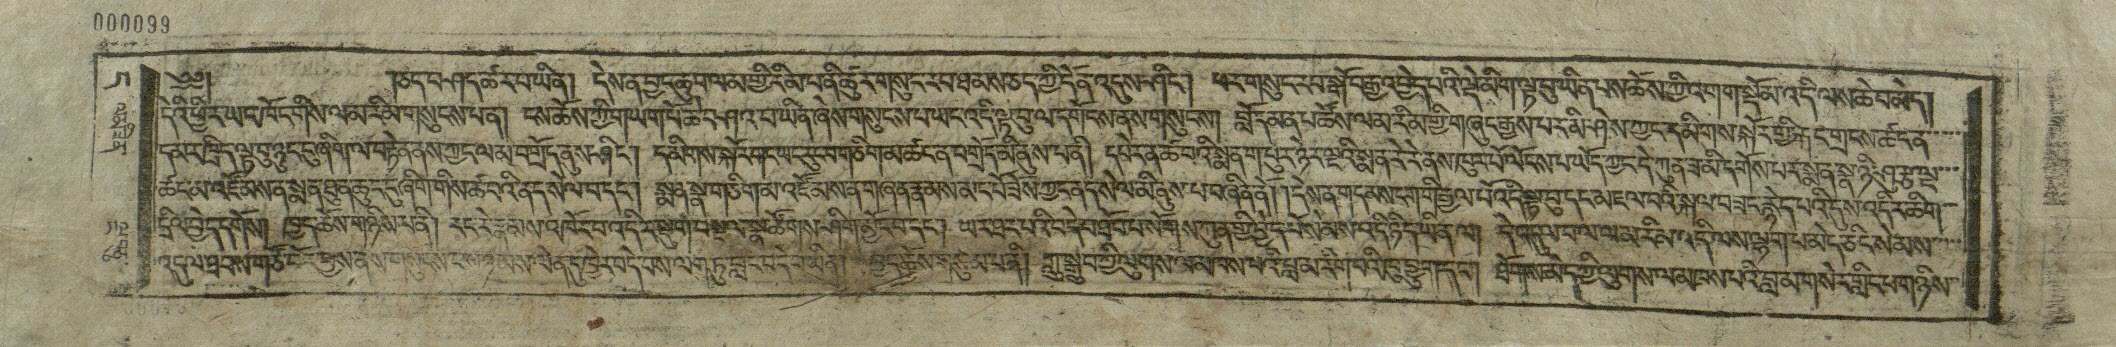༄༅། །ཅད་བཤད་ཚར་བ་ཡིན། དེས་ན་བྱང་ཆུབ་ལམ་གྱི་རིམ་པ་ནི་ཚུར་གསུང་རབ་ཐམས་ཅད་ཀྱི་དོན་འདུས་ཤིང་། ཕར་གསུང་རབ་སྒོ་བརྒྱ་འབྱེད་པའི་ལྡེ་མིག་ལྟ་བུ་ཡིན་པས་ཆོས་ཀྱི་འགག་སྡོམ་འདི་ལས་ཆེ་བ་མེད།
དེའི་ཕྱིར་ཡང་ཁོང་གིས་ལམ་རིམ་གསུངས་པ་ན། ངས་ཆོས་ཀྱི་གཡག་པོ་ཆེ་བཤའ་བ་ཡིན་ཞེས་གསུངས་པ་ཡང་འདི་ལྟ་བུ་ལ་དགོངས་ནས་གསུངས། བློ་དམན་པ་ཚོས་ལམ་རིམ་གྱི་གཞུང་རྒྱས་པར་མི་ཤེས་ཀྱང་དམིགས་སྐོར་གྱི་རྐང་གྲངས་ཚང་ན་
དམར་ཁྲིད་ལྟ་བུ་ཉུང་ངུ་ཞིག་ལ་བརྟེན་ནས་ཀྱང་ལམ་བགྲོད་ནུས་ཤིང་། དམིགས་སྐོར་གང་ཡང་རུང་བ་གཅིག་མ་ཚང་ན་བགྲོད་མི་ནུས་པ་ནི། དཔེར་ན་ཚ་བའི་སྨན་ག་པུར་ཉེར་ལྔའི་སྨན་རེ་རེ་ནས་ཁུར་པོ་ལོངས་པ་ཡོད་ཀྱང་དེ་ཀུན་ཟ་མི་དགོས་པར་སྨན་སྣ་ཉི་ཤུ་རྩ་ལྔ་
ཚང་མ་འཛོམས་ན་སྨན་ཐུན་ཆུང་ངུ་ཞིག་གིས་ཚ་བའི་ནད་སེལ་བ་དང་། སྨན་སྣ་གཅིག་མ་འཛོམས་ན་གཞན་རྣམས་མང་པོ་ཟོས་ཀྱང་ནད་སེལ་མི་ནུས་པ་བཞིན་ནོ། །དེས་ན་གདམས་ངག་གི་རྒྱལ་པོ་འདི་ལྟ་བུ་དང་མཇལ་བའི་སྐལ་བཟང་རྙེད་པའི་དུས་འདིར་ཆིག་
དྲིལ་བྱེད་དགོས། ཁྱད་ཆོས་གཉིས་པ་ནི། རང་རེ་རྣམས་འཁོར་བ་འདིར་སྡུག་བསྔལ་སྣ་ཚོགས་ཤིག་མྱོང་བ་དང་། ཡར་ཐར་པའི་བདེ་བ་ཐོབ་པ་སོགས་ཀུན་གྱི་བྱེད་པོ་སེམས་འདི་ཉིད་ཡིན་ལ། དེ་འདུལ་བ་ལ་ལམ་རིམ་འདི་ལས་ལྷག་པ་མེད་ཅིང་སེམས་
འདུལ་ཐབས་གཙོ་བོར་བྱས་ནས་གསུངས་པས་ཉམས་ལེན་དུ་ཁྱེར་བདེ་བས་ལག་ཏུ་བླང་བདེ་བ་ཡིན། ཁྱད་ཆོས་གསུམ་པ་ནི། ཀླུ་སྒྲུབ་ཀྱི་ལུགས་ལ་མཁས་པའི་བླ་མ་རིག་པའི་ཁུ་བྱུག་དང་། ཐོགས་མེད་ཀྱི་ལུགས་ལ་མཁས་པའི་བླ་མ་གསེར་གླིང་པ་གཉིས་